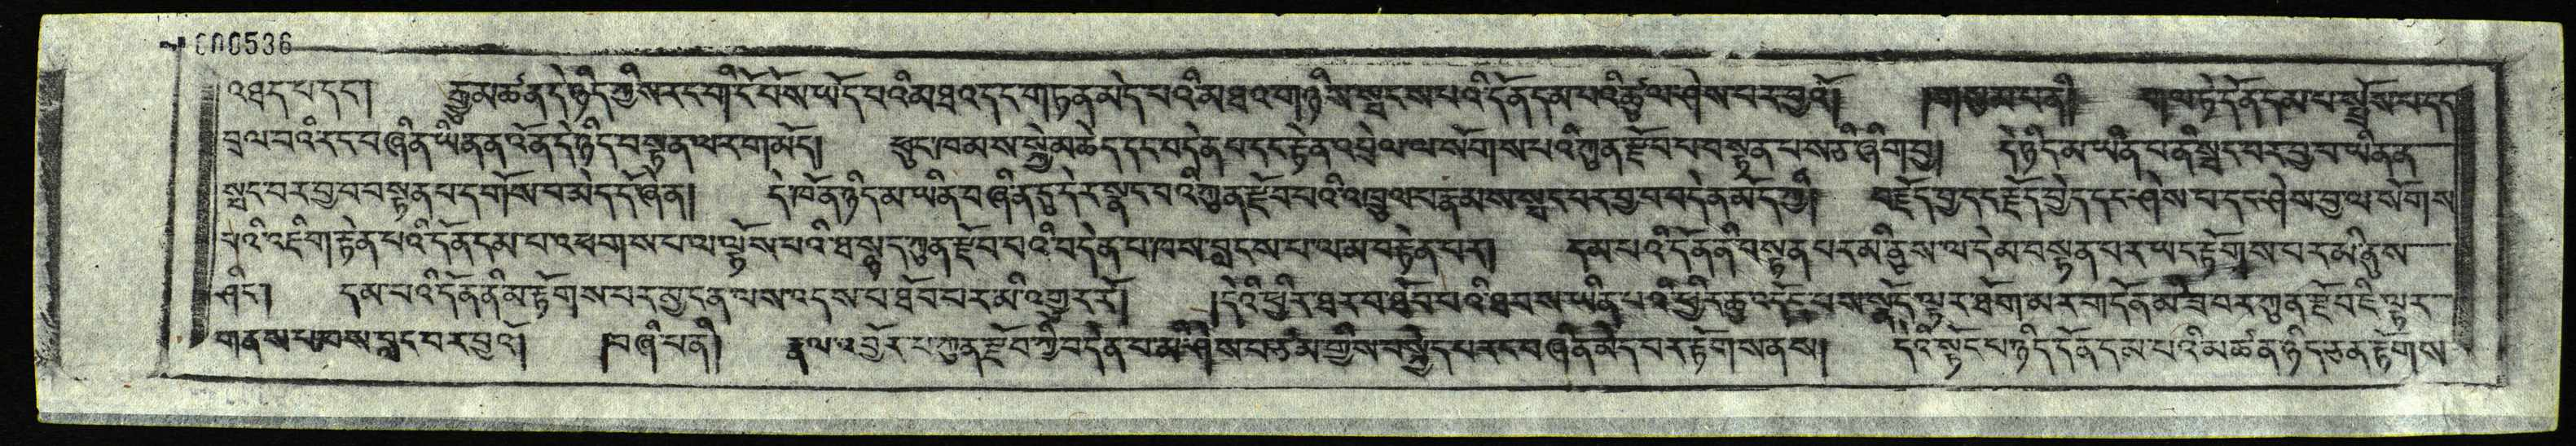འཐད་པ་དང་། རྒྱུ་མཚན་དེ་ཉིད་ཀྱིས་རང་གི་ངོ་བོས་ཡོད་པའི་མཐའ་དང་གཏན་མེད་པའི་མཐའ་གཉིས་སྤངས་པའི་དོན་དམ་པའི་ཚུལ་ཤེས་པར་བྱའོ། །གསུམ་པ་ནི། གལ་ཏེ་དོན་དམ་པ་སྤྲོས་པ་དང་
བྲལ་བའི་རང་བཞིན་ཡིན་ན་འོན་དེ་ཉིད་བསྟན་ལ་རག་མོད། ཕུང་ཁམས་སྐྱེ་མཆེད་དང་བདེན་པ་དང་རྟེན་འབྲེལ་ལ་སོགས་པའི་ཀུན་རྫོབ་པ་བསྟན་པས་ཅི་ཞིག་བྱ། དེ་ཉིད་མ་ཡིན་པ་ནི་སྤང་བར་བྱ་བ་ཡིན་ན་
སྤང་བར་བྱ་བ་བསྟན་པ་དགོས་པ་མེད་དོ་ཞེ་ན། དེ་ཁོ་ན་ཉིད་མ་ཡིན་བཞིན་དུ་དེར་སྣང་བའི་ཀུན་རྫོབ་པའི་འཁྲུལ་པ་རྣམས་སྤང་པར་བྱ་བ་བདེན་མོད་ཀྱི། བརྗོད་བྱ་དང་རྗོད་བྱེད་དང་ཤེས་པ་དང་ཤེས་བྱ་ལ་སོགས་
པའི་འཇིག་རྟེན་པའི་དོན་དམ་པ་འཕགས་པ་ལ་ལྟོས་པའི་ཐ་སྙད་ཀུན་རྫོབ་པའི་བདེན་པ་ཁས་བླངས་པ་ལ་མ་བརྟེན་པར། དམ་པའི་དོན་ནི་བསྟན་པར་མི་ནུས་ལ་དེ་མ་བསྟན་པར་ཡང་རྟོགས་པར་མི་ནུས་
ཤིང་། དམ་པའི་དོན་ནི་མ་རྟོགས་པར་མྱ་ངན་ལས་འདས་པ་ཐོབ་པར་མི་འགྱུར་རོ། །དེའི་ཕྱིར་ཐར་པ་ཐོབ་པའི་ཐབས་ཡིན་པའི་ཕྱིར་ཆུ་འདོད་པས་སྣོད་ལྟར་ཐོག་མར་གདོན་མི་ཟ་བར་ཀུན་རྫོབ་ཇི་ལྟར་
གནས་པ་ཁས་བླང་བར་བྱའོ། །བཞི་པ་ནི། རྣལ་འབྱོར་པ་ཀུན་རྫོབ་ཀྱི་བདེན་པ་མི་ཤེས་པ་ཙམ་གྱིས་བསྐྱེད་པ་རང་བཞིན་མེད་པར་རྟོགས་ནས། དེའི་སྟོང་པ་ཉིད་དོན་དམ་པའི་མཚན་ཉིད་ཅན་རྟོགས་